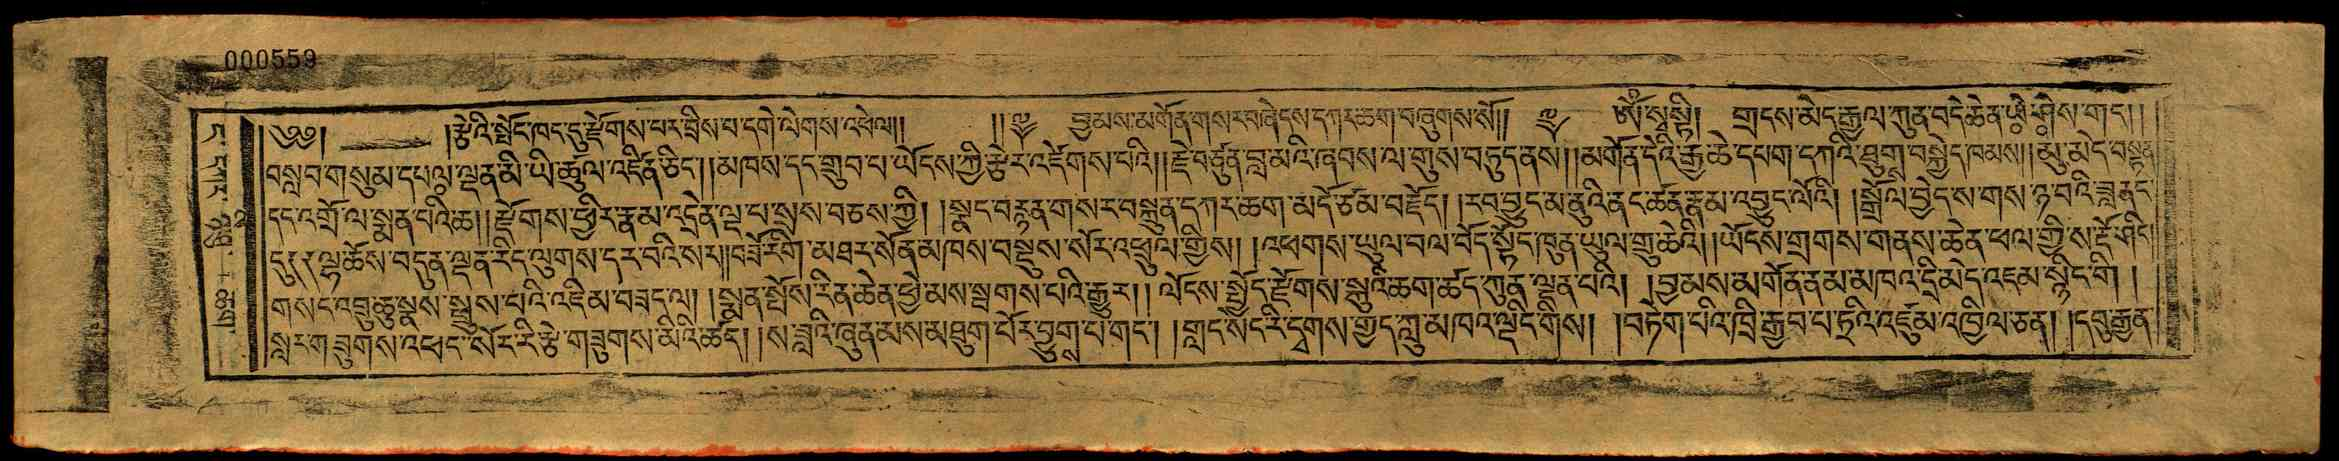༄༅། །རྩེའི་སྤོང་ཁང་དུ་རྫོགས་བར་བྲིས་པ་དགེ་ལེགས་འཕེལ།། །།འ་བྱམས་མགོན་གསར་བཞེངས་དཀར་ཆག་བཞུགས་སོ།། འ་ཨོཾ་སྭ་སྟི། གྲངས་མེད་རྒྱལ་ཀུན་བདེ་ཆེན་ཡེ་ཤེས་གང།།
བསླབ་གསུམ་དཔལ་ལྡན་མི་ཡི་ཚུལ་འཛིན་ཅིང་། །མཁས་དང་གྲུབ་པ་ཡོངས་ཀྱི་རྩེར་འཛེགས་པའི། །རྗེ་བཙུན་བླ་མའི་ཞབས་ལ་གུས་བཏུད་ནས། །མགོན་དེའི་རྒྱ་ཆེ་དཔག་དཀའི་ཐུག་བསྐྱེད་ཁམས། །མུ་མེད་བསྟན་
དང་འགྲོ་ལ་སྨན་པའི་ཆ། །རྫོགས་ཕྱིར་རྣམ་འདྲེན་ལྔ་པ་སྲས་བཅས་ཀྱི། །སྣང་བརྙན་གསར་བསྐྲུན་དཀར་ཆག་མདོ་ཙམ་བརྗོད། །རབ་བྱུང་མ་ནུའི་ནང་ཚན་རྣམ་འབྱུང་ལོའི། །སྒྲོལ་བྱེད་ས་གས་ཉ་བའི་ཟླ་ནང་
དུ༑ ༑ལྷ་ཆོས་བདུན་ལྡན་རིང་ལུགས་དར་བའི་སར། །བཟོ་རིག་མཐར་སོན་མཁས་བསྡུས་སོར་འཕྲུལ་གྱིས། །འཕགས་ཡུལ་བལ་བོད་སྟོང་ཁུན་ཡུལ་གྲུ་ཆེའི། །ཡོངས་གྲགས་གནས་ཆེན་ཕལ་གྱི་ས་རྡོ་ཤིང།།
གསང་འབྲུ་ཆུ་སྣས་སྦྲུས་པའི་འཇིམ་བཟང་ལ། །སྨན་སྤོས་རིན་ཆེན་ཕྱེ་མས་སྦགས་པའི་རྒྱུར། །ལོངས་སྤྱོད་རྫོགས་སྐུའི་ཆག་ཚད་ཀུན་ལྡན་པའི། །བྱམས་མགོན་ནམ་མཁའ་དྲི་མེད་འཇམ་སྙིང་གི།
སླར་གཟུགས་འཕང་སོར་རི་རྩེ་གཟུགས་མེའི་ཚད། །ས་ཟླའི་ཞུན་མས་མཐུག་པོར་བྱུགས་པ་གང་། །གླང་སེང་རི་དྭགས་གྱད་ཀླུ་མཁའ་ལྡིང་གིས། །བཏེག་པའི་ཁྲི་རྒྱབ་པ་ཏྲའི་འཛུམ་འཁྱིལ་ཅན། །དབུ་རྒྱན་